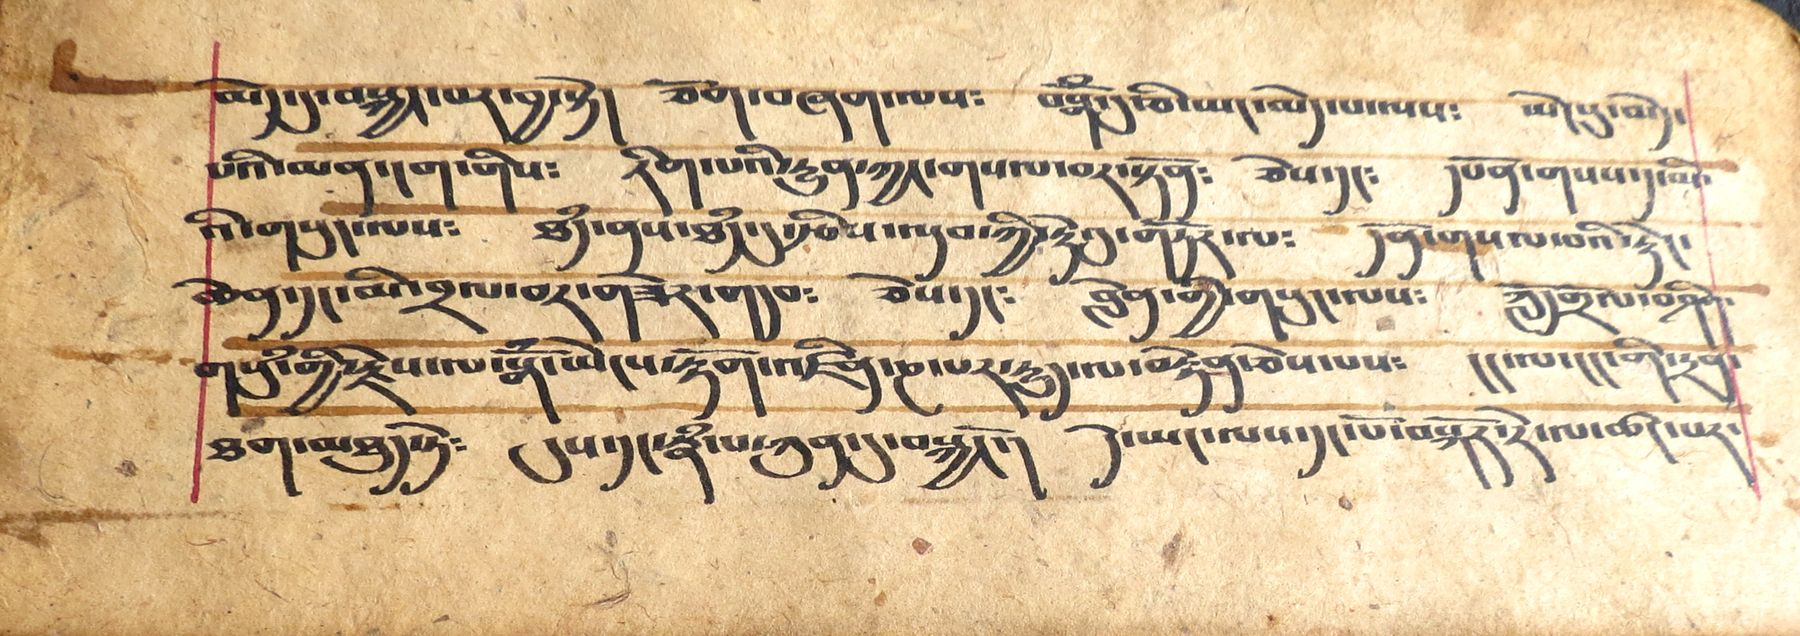མེད་དུ་བསྐྱང་བར་བྱ་སྟེ། ཅོག་བཞག་ལས། སྒོམ་དུ་ཅི་ཡང་མེད་པ་ལ། ཡེངས་སུ་མེད་
པའི་མན་ངག་གིས། རིག་པའི་རྒྱུན་ཡང་གསལ་བར་སྟོན། ཅེས་དང་། དཔོན་གསས་ཐ་མི་ཐད་
གེའི་གསུང་ལས། ཐམས་ཅད་ནས་ཐམས་ཅད་དུ་རྩིས་གདབ་ཀྱི་རྡེའུ་གཏོར་ལ། དོན་གསལ་བའི་ལྡེང་
ཆེན་དང་མི་འབྲལ་བར་གཟེར་གདབ། ཅེས་དང་། བླ་ཆེན་གྱི་གསུང་ལས། ཀློད་དཀྲོལ་བཤིག་
གསུམ་གྱི་རྗེས་ལ། སྒོམ་ཡེངས་མེད་རྟོག་འཛིན་མེད་པར་རྒྱུད་ལ་བརྟེན་ཅེས་པས། ངང་ལ་ངང་གིས་དྲན་
ཐག་མཐུད་དེ། དུས་དང་རྣམ་པ་ཀུན་ཏུ་བསྐྱང་ངོ་། དེ་ཡང་ལས་དང་པོ་སྐོར་རེ་ལ་ཚང་བར་